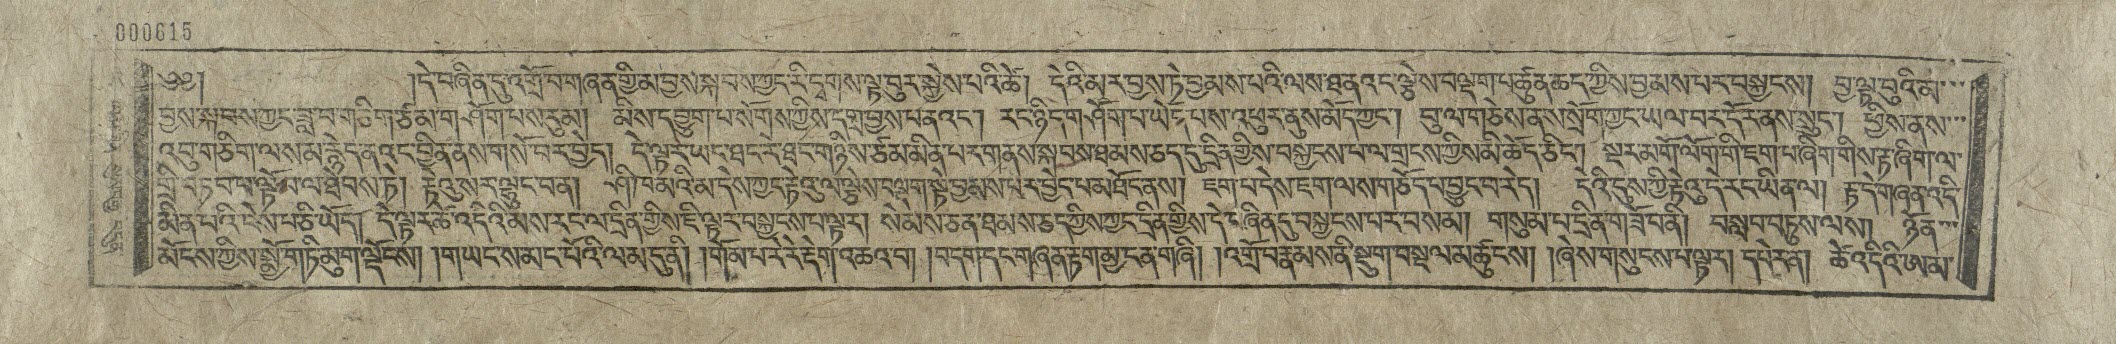༄༅། །དེ་བཞིན་དུ་འགྲོ་བ་གཞན་གྱི་མ་བྱས་སྐབས་ཀྱང་རི་དྭགས་ལྟ་བུར་སྐྱེས་པའི་ཚེ། དེའི་མར་བྱས་ཏེ་བྱམས་པའི་ལས་ཐ་ནའང་ལྕེས་བལྡག་པ་ཚུན་ཆད་ཀྱིས་བྱམས་པར་བསྐྱངས། བྱ་ལྟ་བུའི་མ་
བྱས་སྐབས་ཀྱང་ཟླ་བ་གཅིག་ཙམ་གཤོག་པས་རུམ། མིས་དབྱུག་པ་སོགས་ཀྱིས་དགྲ་བྱས་པ་ནའང་། རང་ཉིད་གཤོག་པ་ཡོད་པས་འཕུར་ནུས་མོད་ཀྱང་། བུ་ལ་གཅེས་ནས་སྲོག་ཀྱང་ཡལ་བར་དོར་ནས་སྲུང་། ཕྱིས་ནས་
འབུ་གཅིག་ལས་མ་རྙེད་ནའང་བྱིན་ནས་གསོ་བར་བྱེད། དེ་ལྟར་ཡང་ཐང་རེ་ཐང་གཉིས་ཙམ་མིན་པར་གནས་སྐབས་ཐམས་ཅད་དུ་དྲིན་གྱིས་བསྐྱངས་པ་ལ་གྲངས་ཀྱིས་མི་ཆོད་ཅིང་། སྔར་མགོ་ལོག་གི་ཇག་པ་ཞིག་གིས་རྟ་ཞིག་ལ་
གྲི་བཏབ་པ་ལྟོ་བ་ལ་ཐེབས་ཏེ། རྟེ་འུ་སར་ལྷུང་བ་ན། ཤི་ཁ་མའི་མ་དེས་ཀྱང་རྟེ་འུ་ལ་ལྕེས་བལྡག་སྟེ་བྱམས་པར་བྱེད་པ་མཐོང་ནས། ཇག་པ་དེས་ཇག་ལས་གཅོད་པ་བྱུང་བ་རེད། དེའི་དུས་ཀྱི་རྟེ་འུ་དེ་རང་ཡིན་ལ། རྟ་དེ་གཞན་འདི་
མིན་པའི་ངེས་པ་ཅི་ཡོད། དེ་ལྟར་ཚེ་འདིའི་མས་རང་ལ་དྲིན་གྱིས་ཇི་ལྟར་བསྐྱངས་པ་ལྟར། སེམས་ཅན་ཐམས་ཅད་ཀྱིས་ཀྱང་དྲིན་གྱིས་དེ་བཞིན་དུ་བསྐྱངས་པར་བསམ། གསུམ་པ་དྲིན་གཟོ་བ་ནི། བསླབ་བཏུས་ལས། ཉོན་
མོངས་ཀྱིས་སྨྱོ་གཏི་མུག་ལྡོངས། །གཡང་ས་མང་པོའི་ལམ་དུ་ནི། །གོམ་པ་རེ་རེ་རྡེག་འཆའ་བ། །བདག་དང་གཞན་རྟག་མྱ་ངན་གཞི། །འགྲོ་བ་རྣམས་ནི་སྡུག་བསྔལ་མཚུངས། །ཞེས་གསུངས་པ་ལྟར། དཔེར་ན། ཚེ་འདིའི་ཨ་མ་